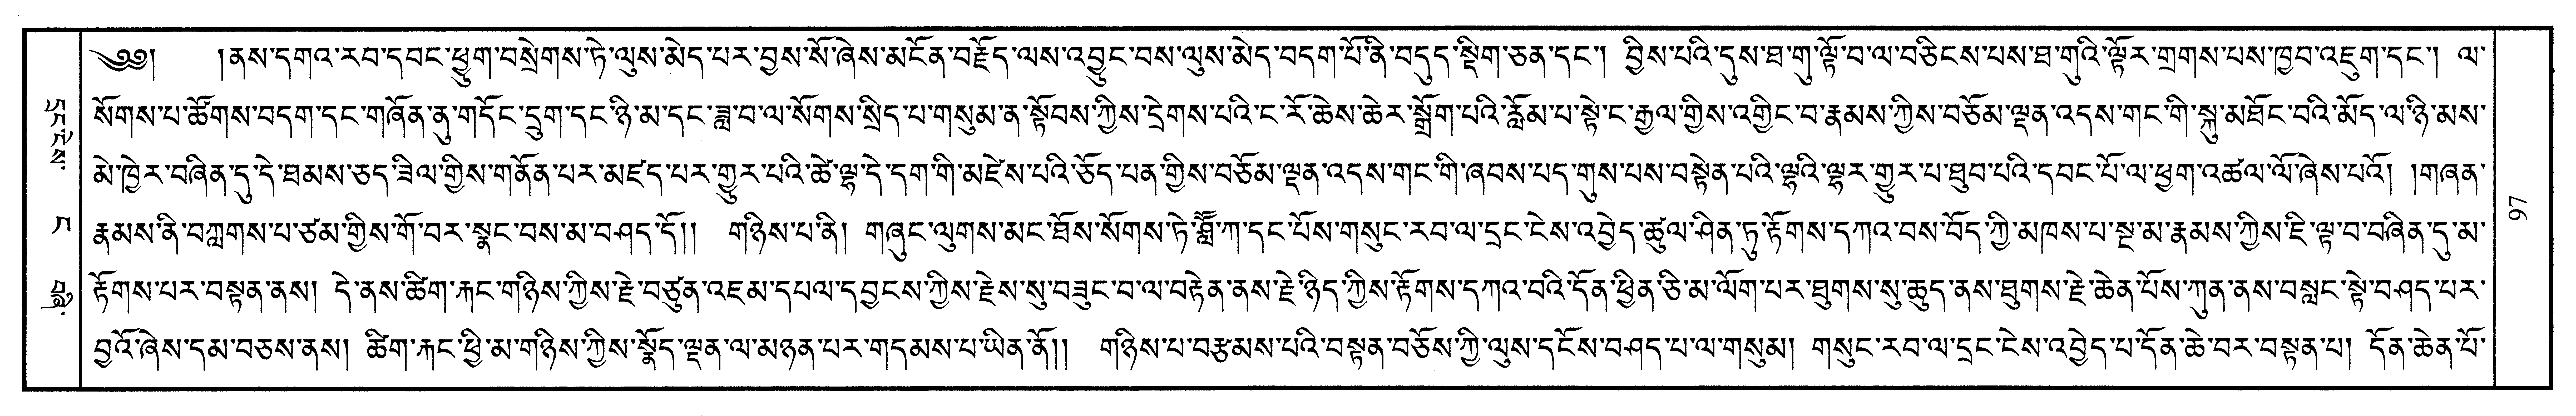༄༅། །ནས་དགའ་རབ་དབང་ཕྱུག་བསྲེགས་ཏེ་ལུས་མེད་པར་བྱས་སོ་ཞེས་མངོན་བརྗོད་ལས་འབྱུང་བས་ལུས་མེད་བདག་པོ་ནི་བདུད་སྡིག་ཅན་དང་། བྱིས་པའི་དུས་ཐ་གུ་ལྟོ་བ་ལ་བཅིངས་པས་ཐ་གུའི་ལྟོར་གྲགས་པས་ཁྱབ་འཇུག་དང་། ལ་
སོགས་པ་ཚོགས་བདག་དང་གཞོན་ནུ་གདོང་དྲུག་དང་ཉི་མ་དང་ཟླ་བ་ལ་སོགས་སྲིད་པ་གསུམ་ན་སྟོབས་ཀྱིས་དྲེགས་པའི་ང་རོ་ཆེས་ཆེར་སྒྲོག་པའི་རློམ་པ་སྟེ་ང་རྒྱལ་གྱིས་འགྱིང་བ་རྣམས་ཀྱིས་བཅོམ་ལྡན་འདས་གང་གི་སྐུ་མཐོང་བའི་མོད་ལ་ཉི་མས་
མེ་ཁྱེར་བཞིན་དུ་དེ་ཐམས་ཅད་ཟིལ་གྱིས་གནོན་པར་མཛད་པར་གྱུར་པའི་ཚེ་ལྷ་དེ་དག་གི་མཛེས་པའི་ཅོད་པན་གྱིས་བཅོམ་ལྡན་འདས་གང་གི་ཞབས་པད་གུས་པས་བསྟེན་པའི་ལྷའི་ལྷར་གྱུར་པ་ཐུབ་པའི་དབང་པོ་ལ་ཕྱག་འཚལ་ལོ་ཞེས་པའོ། །གཞན་
རྣམས་ནི་བཀླགས་པ་ཙམ་གྱིས་གོ་བར་སྣང་བས་མ་བཤད་དོ།། གཉིས་པ་ནི། གཞུང་ལུགས་མང་ཐོས་སོགས་ཏེ་ཤླཽ་ཀ་དང་པོས་གསུང་རབ་ལ་དྲང་ངེས་འབྱེད་ཚུལ་ཤིན་ཏུ་རྟོགས་དཀའ་བས་བོད་ཀྱི་མཁས་པ་སྔ་མ་རྣམས་ཀྱིས་ཇི་ལྟ་བ་བཞིན་དུ་མ་
རྟོགས་པར་བསྟན་ནས། དེ་ནས་ཚིག་རྐང་གཉིས་ཀྱིས་རྗེ་བཙུན་འཇམ་དཔལ་དབྱངས་ཀྱིས་རྗེས་སུ་བཟུང་བ་ལ་བརྟེན་ནས་རྗེ་ཉིད་ཀྱིས་རྟོགས་དཀའ་བའི་དོན་ཕྱིན་ཅི་མ་ལོག་པར་ཐུགས་སུ་ཆུད་ནས་ཐུགས་རྗེ་ཆེན་པོས་ཀུན་ནས་བསླང་སྟེ་བཤད་པར་
བྱའོ་ཞེས་དམ་བཅས་ནས། ཚིག་རྐང་ཕྱི་མ་གཉིས་ཀྱིས་སྣོད་ལྡན་ལ་མཉན་པར་གདམས་པ་ཡིན་ནོ།། གཉིས་པ་བརྩམས་པའི་བསྟན་བཅོས་ཀྱི་ལུས་དངོས་བཤད་པ་ལ་གསུམ། གསུང་རབ་ལ་དྲང་ངེས་འབྱེད་པ་དོན་ཆེ་བར་བསྟན་པ། དོན་ཆེན་པོ་